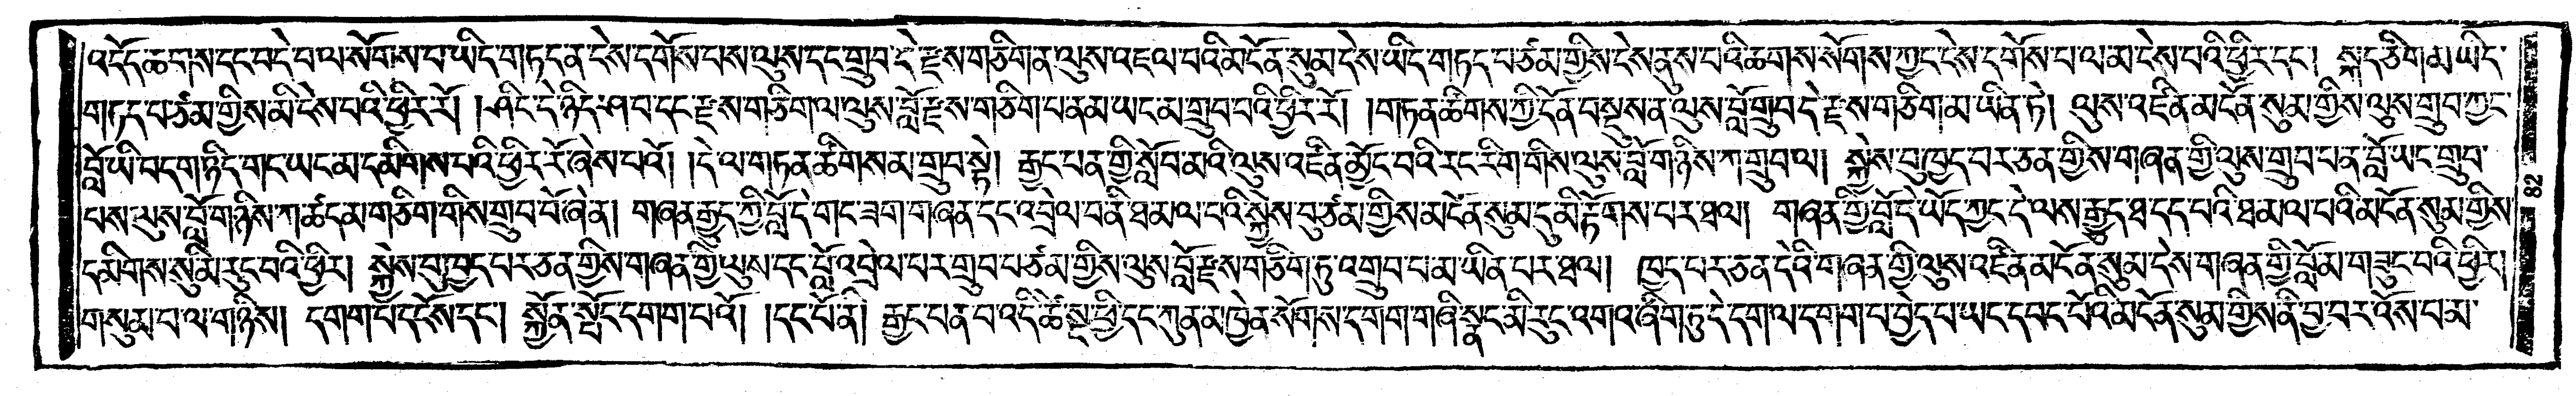འདོད་ཆགས་དང་བདེ་བ་ལ་སོགས་པ་ཡིད་གཏད་ན་ངེས་དགོས་པས་ལུས་དང་གྲུབ་དེ་རྫས་གཅིག་ན་ལུས་འཇལ་བའི་མངོན་སུམ་དེས་ཡིད་གཏད་པ་ཙམ་གྱིས་ངེས་ནུས་པའི་ཆགས་སོགས་ཀྱང་ངེས་དགོས་པ་ལ་མ་ངེས་པའི་ཕྱིར་དང་། སྐད་ཅིག་མ་ཡིད་
གཏད་པ་ཙམ་གྱིས་མི་ངེས་པའི་ཕྱིར་རོ། །ཤིང་དེ་ཉིད་ཤ་བ་དང་རྫས་གཅིག་ལ་ལུས་བློ་རྫས་གཅིག་པ་ནམ་ཡང་མ་གྲུབ་པའི་ཕྱིར་རོ། །གཏན་ཚིགས་ཀྱི་དོན་བསྡུས་ན་ལུས་བློ་གྲུབ་དེ་རྫས་གཅིག་མ་ཡིན་ཏེ། ལུས་འཛིན་མངོན་སུམ་གྱིས་ལུས་གྲུབ་ཀྱང་
བློ་ཡི་བདག་ཉིད་གང་ཡང་མ་དམིགས་པའི་ཕྱིར་རོ་ཞེས་པའོ། །དེ་ལ་གཏན་ཚིགས་མ་གྲུབ་སྟེ། རྒྱད་པན་གྱི་སློབ་མའི་ལུས་འཛིན་མྱོང་བའི་རང་རིག་གིས་ལུས་བློ་གཉིས་ཀ་གྲུབ་ལ། སྐྱེས་བུ་ཁྱད་པར་ཅན་གྱིས་གཞན་གྱི་ལུས་གྲུབ་པ་ན་བློ་ཡང་གྲུབ་
པས་ལུས་བློ་གཉིས་ཀ་ཚད་མ་གཅིག་གིས་གྲུབ་བོ་ཞེ་ན། གཞན་རྒྱུད་ཀྱི་བློ་དེ་གང་ཟག་གཞན་དང་འབྲེལ་པ་ནི་ཐ་མལ་པའི་སྐྱེས་བུ་ཙམ་གྱིས་མངོན་སུམ་དུ་མི་རྟོགས་པར་ཐལ། གཞན་གྱི་བློ་དེ་ཡོད་ཀྱང་དེ་ལས་རྒྱུད་ཐ་དད་པའི་ཐ་མལ་པའི་མངོན་སུམ་གྱིས་
དམིགས་སུ་མི་རུང་བའི་ཕྱིར། སྐྱེས་བུ་ཁྱད་པར་ཅན་གྱིས་གཞན་གྱི་ལུས་དང་བློ་འབྲེལ་པར་གྲུབ་པ་ཙམ་གྱིས་ལུས་བློ་རྫས་གཅིག་ཏུ་འགྲུབ་པ་མ་ཡིན་པར་ཐལ། ཁྱད་པར་ཅན་དེའི་གཞན་གྱི་ལུས་འཛིན་མངོན་སུམ་དེས་གཞན་གྱི་བློ་མ་གཟུང་བའི་ཕྱིར།
གསུམ་པ་ལ་གཉིས། དགག་པ་དངོས་དང་། སྐྱོན་སྤོང་དགག་པའོ། །དང་པོ་ནི། རྒྱད་པན་བ་འདི་ཚེ་སྔ་ཕྱི་དང་ཀུན་མཁྱེན་སོགས་དགག་གཞི་སྣང་མི་རུང་འགའ་ཞིག་ཏུ་དེ་དག་ལ་དགག་པ་བྱེད་པ་ཡང་དབང་པོའི་མངོན་སུམ་གྱིས་ནི་བྱ་བར་འོས་པ་མ་